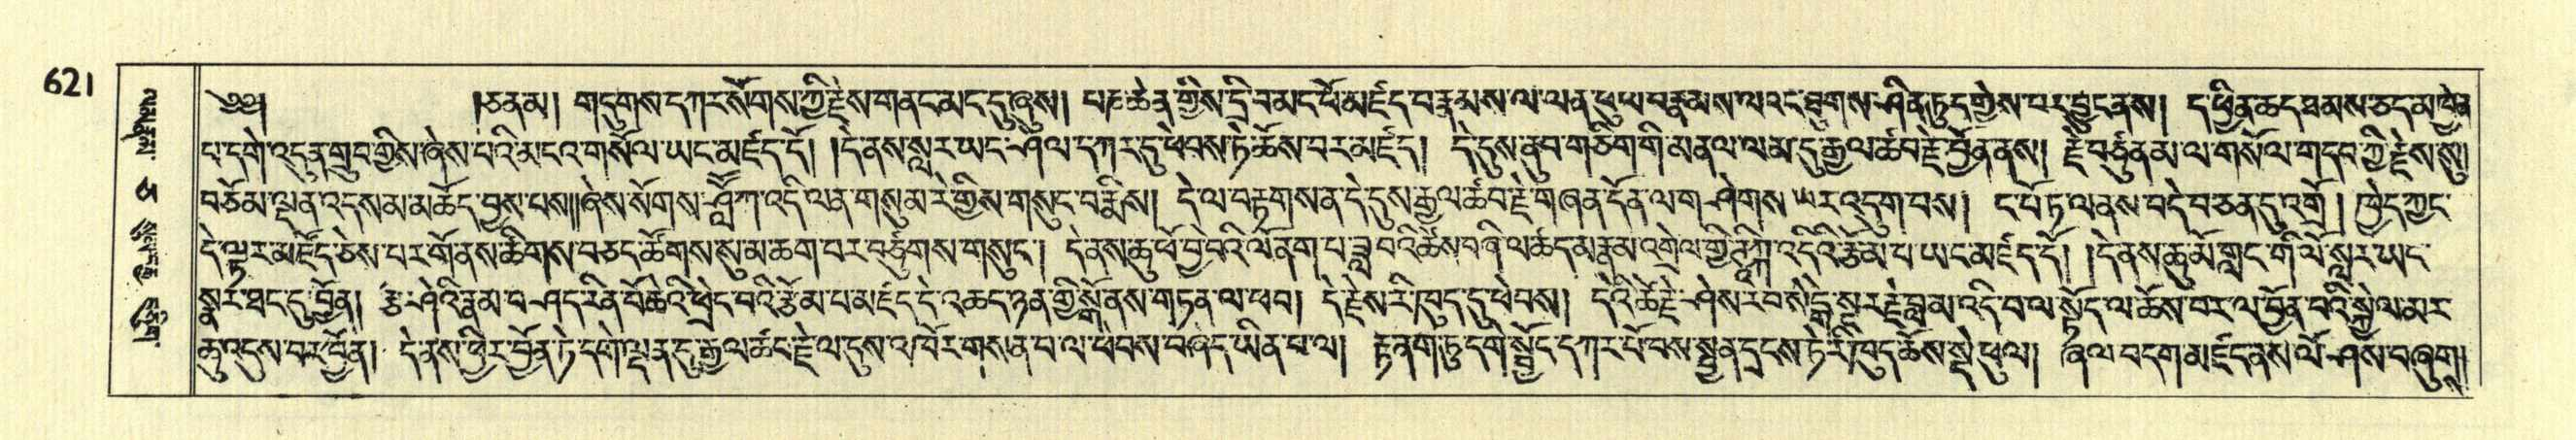༄༅། །ཅན་མ། གདུགས་དཀར་སོགས་ཀྱི་རྗེས་གནང་མང་དུ་ཞུས། པཎ་ཆེན་གྱིས་དྲི་བ་མང་པོ་མཛད་བ་རྣམས་ལ་ལན་ཕུལ་བ་རྣམས་ལའང་ཐུགས་ཤིན་ཏུ་དགྱེས་པར་བྱུང་ནས། ད་ཕྱིན་ཆད་ཐམས་ཅད་མཁྱེན་
པ་དགེ་འདུན་གྲུབ་གྱིས་ཞེས་པའི་མངའ་གསོལ་ཡང་མཛད་དོ། །དེ་ནས་སླར་ཡང་ཤེལ་དཀར་དུ་ཕེབས་ཏེ་ཆོས་བར་མཛད། དེ་དུས་ནུབ་གཅིག་གི་མནལ་ལམ་དུ་རྒྱལ་ཚབ་རྗེ་བྱོན་ནས། རྗེ་བཙུན་མ་ལ་གསོལ་གདའ་ཀྱི་རྗེས་སུ།
བཅོམ་ལྡན་འདས་མ་མཆོད་བྱས་པས། །ཞེས་སོགས་ཤླཽཀ་འདི་ལན་གསུམ་རེ་གྱིས་གསུང་བ་རྨིས། དེ་ལ་བརྟགས་ན་དེ་དུས་རྒྱལ་ཚབ་རྗེ་གཞན་དོན་ལ་གཤེགས་ཡར་འདུག་བས། ང་པོ་ཏ་ལ་ནས་བདེ་བ་ཅན་དུ་འགྲོ། ཁྱེད་ཀྱང་
དེ་ལྟར་མཛོད་ཅེས་ཨར་གོ་ནས་ཚིགས་བཅད་ཚོགས་སུ་མ་ཆག་བར་བཙུགས་གསུང་། དེ་ནས་ཆུ་ཕོ་བྱེ་བའི་ལོ་ནག་པ་ཟླ་བའི་ཚེས་བཞི་ལ་ཚད་མ་རྣམ་འགྲེལ་གྱི་ཏཱིཀྐ་འདིའི་རྩོམ་པ་ཡང་མཛད་དོ། །དེ་ནས་ཆུ་མོ་གླང་གི་ལོ་སླར་ཡང་
སྣར་ཐང་དུ་བྱོན། རྩ་ཤེའི་རྣམ་བཤད་རིན་པོ་ཆེའི་ཕྲེང་བའི་རྩོམ་པ་མཛད་དེ་འཆད་ཉན་གྱི་སྒོ་ནས་གཏན་ལ་ཕབ། དེ་རྗེས་རི་ཁུད་དུ་ཕེབས། དེའི་ཚེ་རྗེ་ཤེས་རབ་སེངྒེ་སྔར་རྗེ་བླ་མ་འདི་བ་ལ་སྟོད་ལ་ཆོས་བར་ལ་བྱོན་བའི་སྐྱེལ་མར་
ཆུ་འདུས་བར་བྱོན། དེ་ནས་ཕྱིར་བྱོན་ཏེ་དགེ་ལྡན་དུ་རྒྱལ་ཚབ་རྗེ་ལ་དུས་འཁོར་གསན་པ་ལ་ཕེབས་བཞེད་ཡིན་པ་ལ། རྟ་ནག་ཏུ་དགེ་སྦྱོང་དཀར་པོ་བས་སྦྱན་དྲངས་ཏེ་རི་ཁུད་ཆོས་སྡེ་ཕུལ། ཞལ་བདག་མཛད་ནས་ལོ་ཤས་བཞུགས།